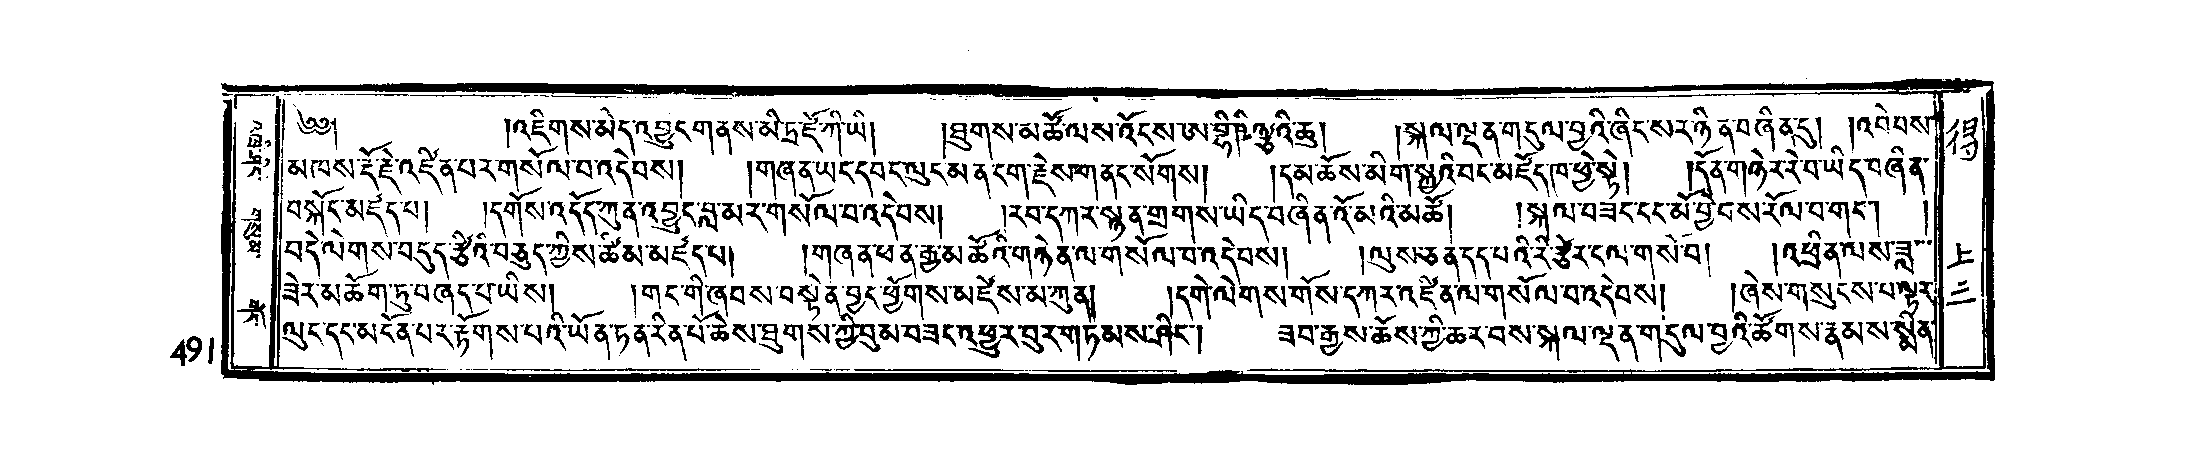༄༅། །འཇིགས་མེད་འབྱུང་གནས་མི་ཏྲ་ཛོ་ཀི་ཡི། །ཐུགས་མཚོ་ལས་འོངས་ཨ་བྷི་ཥིཉྩའི་ཆུ། །སྐལ་ལྡན་གདུལ་བྱའི་ཞིང་སར་ཉིན་བཞིན་དུ། །འབེབས་
མཁས་རྡོ་རྗེ་འཛིན་པར་གསོལ་བ་འདེབས། །གཞན་ཡང་དབང་ལུང་མན་ངག་རྗེས་གནང་སོགས། །དམ་ཆོས་མིག་སྐྱའི་བང་མཛོད་ཁ་ཕྱེ་སྟེ། །དོན་གཉེར་རེ་བ་ཡིད་བཞིན་
བསྐོང་མཛད་པ། །དགོས་འདོད་ཀུན་འབྱུང་བླ་མར་གསོལ་བ་འདེབས། །རབ་དཀར་སྙན་གྲགས་ཡིད་བཞིན་འོ་མའི་མཚོ། །སྐལ་བཟང་དང་མོ་བྱེ་བས་རོལ་བ་གང་། །
བདེ་ལེགས་བདུད་རྩིའི་བཅུད་ཀྱིས་ཚིམ་མཛད་པ། །གཞན་ཕན་རྒྱ་མཚོའི་གཉེན་ལ་གསོལ་བ་འདེབས། །ལུས་ཅན་དད་པའི་རི་རྩེར་ངལ་གསོ་བ། །འཕྲིན་ལས་ཟླ་
ཟེར་མཆོག་ཏུ་བཞད་པ་ཡིས། །གང་གི་ཞབས་བསྟེན་བྱང་ཕྱོགས་མཛེས་མ་ཀུན། །དགེ་ལེགས་གོས་དཀར་འཛིན་ལ་གསོལ་བ་འདེབས། །ཞེས་གསུངས་པ་ལྟར་
ལུང་དང་མངོན་པར་རྟོགས་པའི་ཡོན་ཏན་རིན་པོ་ཆེས་ཐུགས་ཀྱི་བུམ་བཟང་འཕྱུར་བུར་གཏམས་ཤིང་། ཟབ་རྒྱས་ཆོས་ཀྱི་ཆར་བས་སྐལ་ལྡན་གདུལ་བྱའི་ཚོགས་རྣམས་སྨིན་